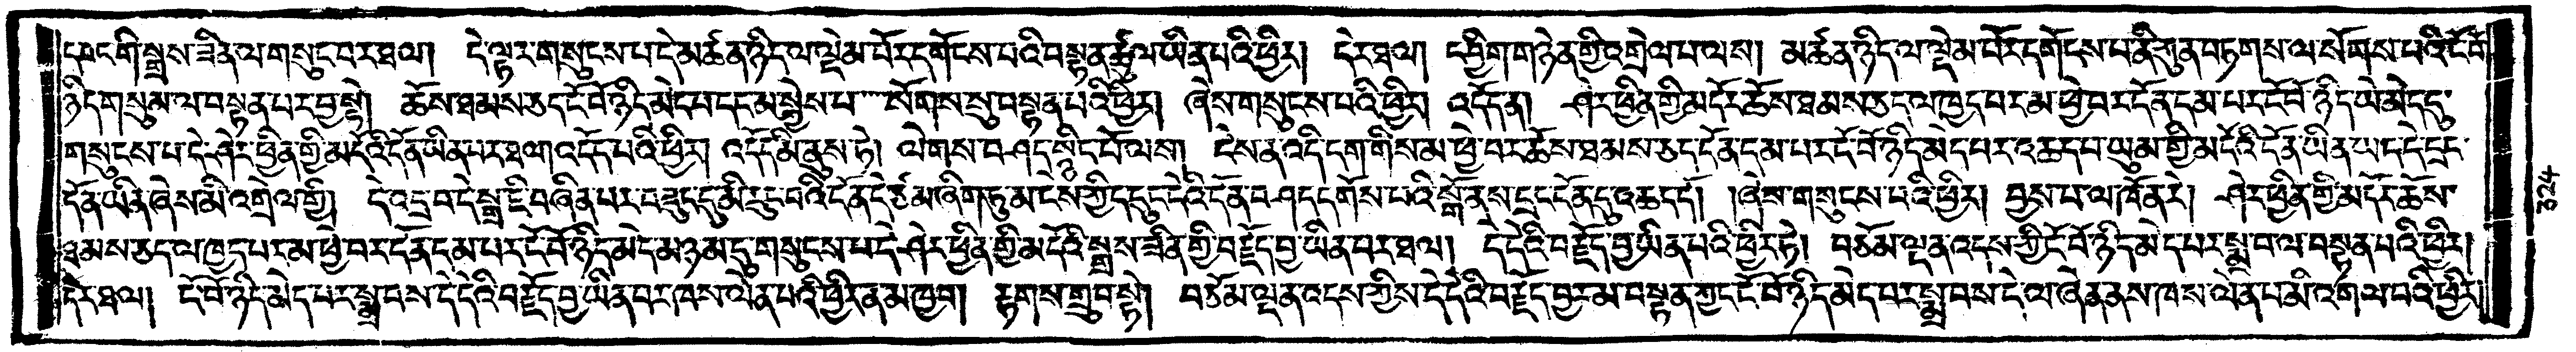དབང་གི་སྒྲས་ཟིན་ལ་གསུང་བར་ཐལ། དེ་ལྟར་གསུངས་པ་དེ་མཚན་ཉིད་ལ་ལྡེམ་པོར་དགོངས་པའི་བསྟན་ཚུལ་ཡིན་པའི་ཕྱིར། དེར་ཐལ། དབྱིག་གཉེན་གྱི་འགྲེལ་པ་ལས། མཚན་ཉིད་ལ་ལྡེམ་པོར་དགོངས་པ་ནི་ཀུན་བཏགས་ལ་སོགས་པའི་ངོ་བོ་
ཉིད་གསུམ་ལ་བསྟན་པར་བྱ་སྟེ། ཆོས་ཐམས་ཅད་ངོ་བོ་ཉིད་མེད་པ་དང་མ་སྐྱེས་པ་སོགས་སུ་བསྟན་པའི་ཕྱིར། ཞེས་གསུངས་པའི་ཕྱིར། འདོད་ན། ཤེར་ཕྱིན་གྱི་མདོར་ཆོས་ཐམས་ཅད་ལ་ཁྱད་པར་མ་ཕྱེ་བར་དོན་དམ་པར་ངོ་བོ་ཉིད་ཡེ་མེད་དུ་
གསུངས་པ་དེ་ཤེར་ཕྱིན་གྱི་མདོའི་དོན་ཡིན་པར་ཐལ། འདོད་པའི་ཕྱིར། འདོད་མི་ནུས་ཏེ། ལེགས་བཤད་སྙིང་པོ་ལས། དེས་ན་འདི་དག་གིས་མ་ཕྱེ་བར་ཆོས་ཐམས་ཅད་དོན་དམ་པར་ངོ་བོ་ཉིད་མེད་པར་འཆད་པ་ཡུམ་གྱི་མདོའི་དོན་ཡིན་ཡང་དེ་དྲང་
དོན་ཡིན་ཞེས་མི་འགྲེལ་གྱི། དེ་འདྲ་བ་དེ་སྒྲ་ཇི་བཞིན་པར་བཟུང་དུ་མི་རུང་བའི་དོན་དེ་ཙམ་ཞིག་ཏུ་མ་ངེས་ཀྱི་ད་དུང་དེའི་དོན་བཤད་དགོས་པའི་སྒོ་ནས་དྲང་དོན་དུ་འཆད་དོ། །ཞེས་གསུངས་པའི་ཕྱིར། བྱས་པ་ལ་ཁོ་ན་རེ། ཤེར་ཕྱིན་གྱི་མདོར་ཆོས་
ཐམས་ཅད་ལ་ཁྱད་པར་མ་ཕྱེ་བར་དོན་དམ་པར་ངོ་བོ་ཉིད་མེད་མཉམ་དུ་གསུངས་པ་དེ་ཤེར་ཕྱིན་གྱི་མདོའི་སྒྲས་ཟིན་གྱི་བརྗོད་བྱ་ཡིན་པར་ཐལ། དེ་དེའི་བརྗོད་བྱ་ཡིན་པའི་ཕྱིར་ཏེ། བཅོམ་ལྡན་འདས་ཀྱི་ངོ་བོ་ཉིད་མེད་པར་སྨྲ་བ་ལ་བསྟན་པའི་ཕྱིར།
དེར་ཐལ། ངོ་བོ་ཉིད་མེད་པར་སྨྲ་བས་དེ་དེའི་བརྗོད་བྱ་ཡིན་པར་ཁས་ལེན་པའི་ཕྱིར་ན་མ་ཁྱབ། རྟགས་གྲུབ་སྟེ། བཅོམ་ལྡན་འདས་ཀྱིས་དེ་དེའི་བརྗོད་བྱར་མ་བསྟན་ཀྱང་ངོ་བོ་ཉིད་མེད་པར་སྨྲ་བས་དེ་ལ་ཞེན་ནས་ཁས་ལེན་པ་མི་འགལ་བའི་ཕྱིར།